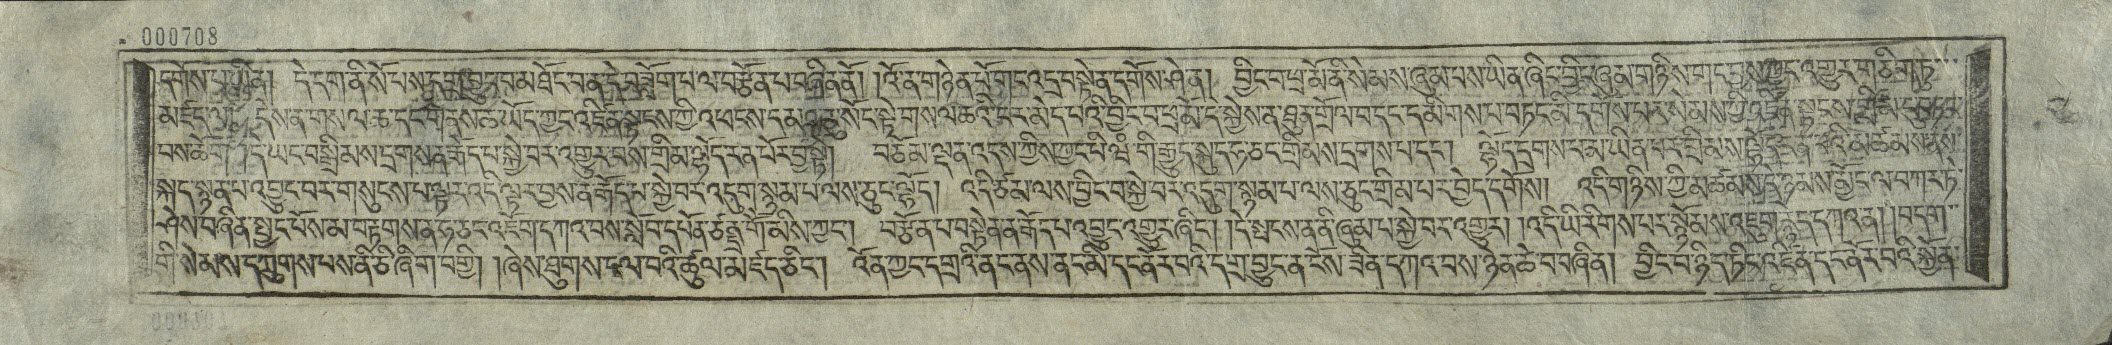དགོས་པ་ཡིན། དེ་དག་ནི་སོ་པས་དགྲ་བྱུང་བ་མཐོང་བ་ན་དེ་བཟློག་པ་ལ་བརྩོན་པ་བཞིན་ནོ། །འོ་ན་གཉེན་པོ་གང་འདྲ་བསྟེན་དགོས་ཤེ་ན། བྱིང་བ་ཕྲ་མོ་ནི་སེམས་ཞུམ་པས་ཡིན་ཞིང་བྱིང་ཞུམ་གཉིས་གང་བྱས་ཀྱང་འགྱུར་གཅིག་ཏུ་
མཛད་ལ། དེས་ན་གསལ་ཆ་དང་གནས་ཆ་ཡོད་ཀྱང་འཛིན་སྟངས་ཀྱི་འཕངས་དམའ་རུ་སོང་སྟེ་གསལ་ཆའི་ངར་མེད་པའི་བྱིང་བ་ཕྲ་མོ་དེ་སྐྱེས་ན་ཐུན་གྲོལ་བ་དང་དམིགས་པ་བཏང་མི་དགོས་པར་སེམས་ཀྱི་འཛིན་སྟངས་གྲིམ་དུ་བཏང་
བས་ཆོག །དེ་ཡང་བསྒྲིམས་དྲགས་ན་རྒོད་པ་སྐྱེ་བར་འགྱུར་བས་གྲིམ་ལྷོད་རན་པོར་བྱ་སྟེ། བཅོམ་ལྡན་འདས་ཀྱིས་ཀྱང་པི་ཝཾ་གི་རྒྱུད་སྐུད་ཧ་ཅང་གྲིམས་དྲགས་པ་དང་། ལྷོད་དྲགས་པ་མ་ཡིན་པར་གྲིམས་ལྷོད་རན་པའི་མཚམས་ནས་
སྐད་སྙན་པ་འབྱུང་བར་གསུངས་པ་ལྟར་འདི་ལྟར་བྱས་ན་རྒོད་པ་སྐྱེ་བར་འདུག་སྙམ་པ་ལས་ཅུང་ལྷོད། འདི་ཙམ་ལས་བྱིང་བ་སྐྱེ་བར་འདུག་སྙམ་པ་ལས་ཅུང་གྲིམ་པར་བྱེད་དགོས། འདི་གཉིས་ཀྱི་མཚམས་དེ་ཉམས་མྱོང་ལ་བཀར་ཏེ་
ཤེས་བཞིན་སྤྱང་པོས་མ་བརྟགས་ན་ཧ་ཅང་འཇོག་དཀའ་བས་སློབ་དཔོན་ཙནྡྲ་གཽ་མིས་ཀྱང་། བརྩོན་པ་བསྟེན་ན་རྒོད་པ་འབྱུང་འགྱུར་ཞིང་། །དེ་སྤངས་ན་ནི་ཞུམ་པ་སྐྱེ་བར་འགྱུར། །འདི་ཡི་རིགས་པར་སྙོམས་འཇུག་རྙེད་དཀའ་ན། །བདག་
གི་སེམས་དཀྲུགས་པས་ནི་ཅི་ཞིག་བགྱི། །ཞེས་ཐུགས་ངལ་བའི་ཚུལ་མཛད་ཅིང་། འོན་ཀྱང་དགྲའི་ནང་ནས་ནང་མི་དང་ནོར་བའི་དགྲ་བྱུང་ན་ངོས་ཟིན་དཀའ་བས་ཉེན་ཆེ་བ་བཞིན། བྱིང་བ་ཉིད་ཏིང་འཛིན་དང་ནོར་བའི་སྐྱོན་